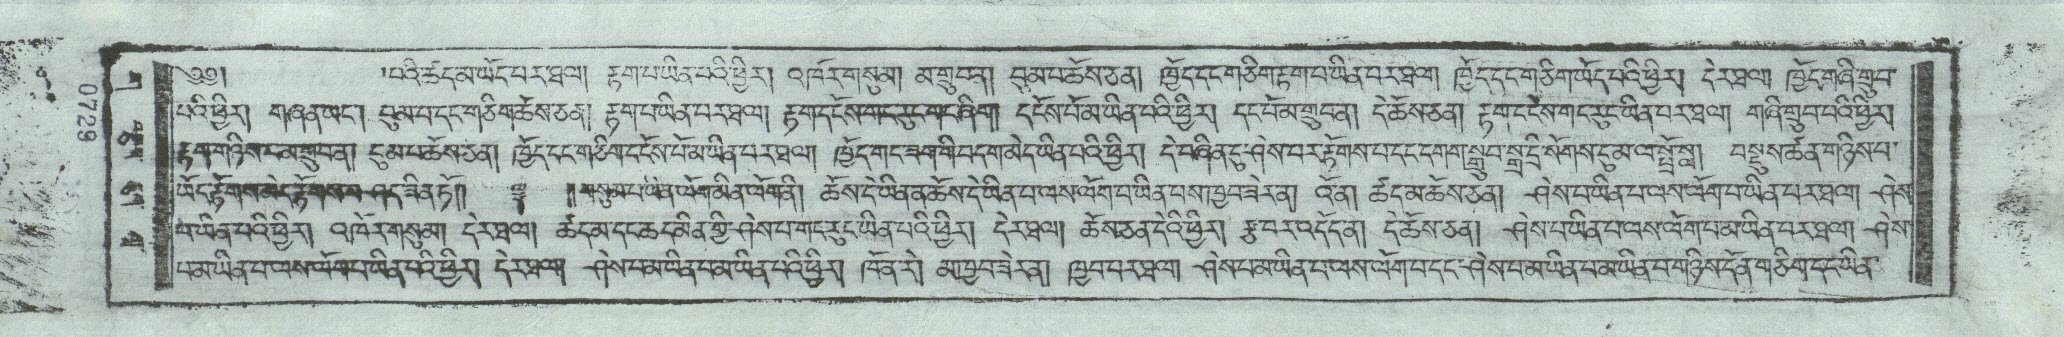༄༅། །པའི་ཚད་མ་ཡོད་བར་ཐལ། རྟག་པ་ཡིན་པའི་ཕྱིར། འཁོར་གསུམ། མ་གྲུབ་ན། བུམ་པ་ཆོས་ཅན། ཁྱོད་དང་གཅིག་རྟག་པ་ཡིན་པར་ཐལ། ཁྱོད་དང་གཅིག་ཡོད་པའི་ཕྱིར། དེར་ཐལ། ཁྱོད་གཞི་གྲུབ་
པའི་ཕྱིར། གཞན་ཡང་། བུམ་པ་དང་གཅིག་ཆོས་ཅན། རྟག་པ་ཡིན་པར་ཐལ། རྟག་དངོས་གང་རུང་གང་ཞིག། དངོས་པོ་མ་ཡིན་བའི་ཕྱིར། དང་པོ་མ་གྲུབ་ན། དེ་ཆོས་ཅན། རྟག་དངོས་གང་རུང་ཡིན་པར་ཐལ། གཞི་གྲུབ་བའི་ཕྱིར།
རྟག་གཉིས་པ་མ་གྲུབ་ན། དུམ་པ་ཆོས་ཅན། ཁྱོད་དང་གཅིག་དངོས་པོ་མ་ཡིན་པར་ཐལ། ཁྱོད་གང་ཟག་གི་བདག་མེད་ཡིན་པའི་ཕྱིར། དེ་བཞིན་དུ་ཤེས་པར་རྟོགས་པ་དང་དགག་སྒྲུབ་སྒྲ་དྲི་སོགས་དུ་མ་ལ་སྤྲོ་སླ། བསྡུས་ཚན་གཉིས་པ་
ཡོད་རྟོགས་མེད་རྟོགས་བཤད་ཟིན་ཏོ།། ༈ །།གསུམ་པ་ཡིན་ལོག་མིན་ལོག་ནི། ཆོས་དེ་ཡིན་ན་ཆོས་དེ་ཡིན་པ་ལས་ལོག་པ་ཡིན་པས་ཁྱབ་ཟེར་ན། འོ་ན། ཚད་མ་ཆོས་ཅན། ཤེས་པ་ཡིན་པ་ལས་ལོག་པ་ཡིན་པར་ཐལ། ཤེས་
པ་ཡིན་པའི་ཕྱིར། འཁོར་གསུམ། དེར་ཐལ། ཚད་མ་དང་ཆད་མིན་གྱི་ཤེས་པ་གང་རུང་ཡིན་པའི་ཕྱིར། དེར་ཐལ། ཆོས་ཅན་དེའི་ཕྱིར། རྩ་བར་འདོད་ན། དེ་ཆོས་ཅན། ཤེས་པ་ཡིན་པ་ལས་ལོག་པ་མ་ཡིན་པར་ཐལ། ཤེས་
པ་མ་ཡིན་པ་ལས་ལོག་པ་ཡིན་པའི་ཕྱིར། དེར་ཐལ། ཤེས་པ་མ་ཡིན་པ་མ་ཡིན་བའི་ཕྱིར། ཁོ་ན་རེ། མ་ཁྱབ་ཟེར་ན། ཁྱབ་པར་ཐལ། ཤེས་པ་མ་ཡིན་པ་ལས་ལོག་པ་དང་ཤེས་པ་མ་ཡིན་པ་མ་ཡིན་པ་གཉིས་དོན་གཅིག་དང་ཡིན་